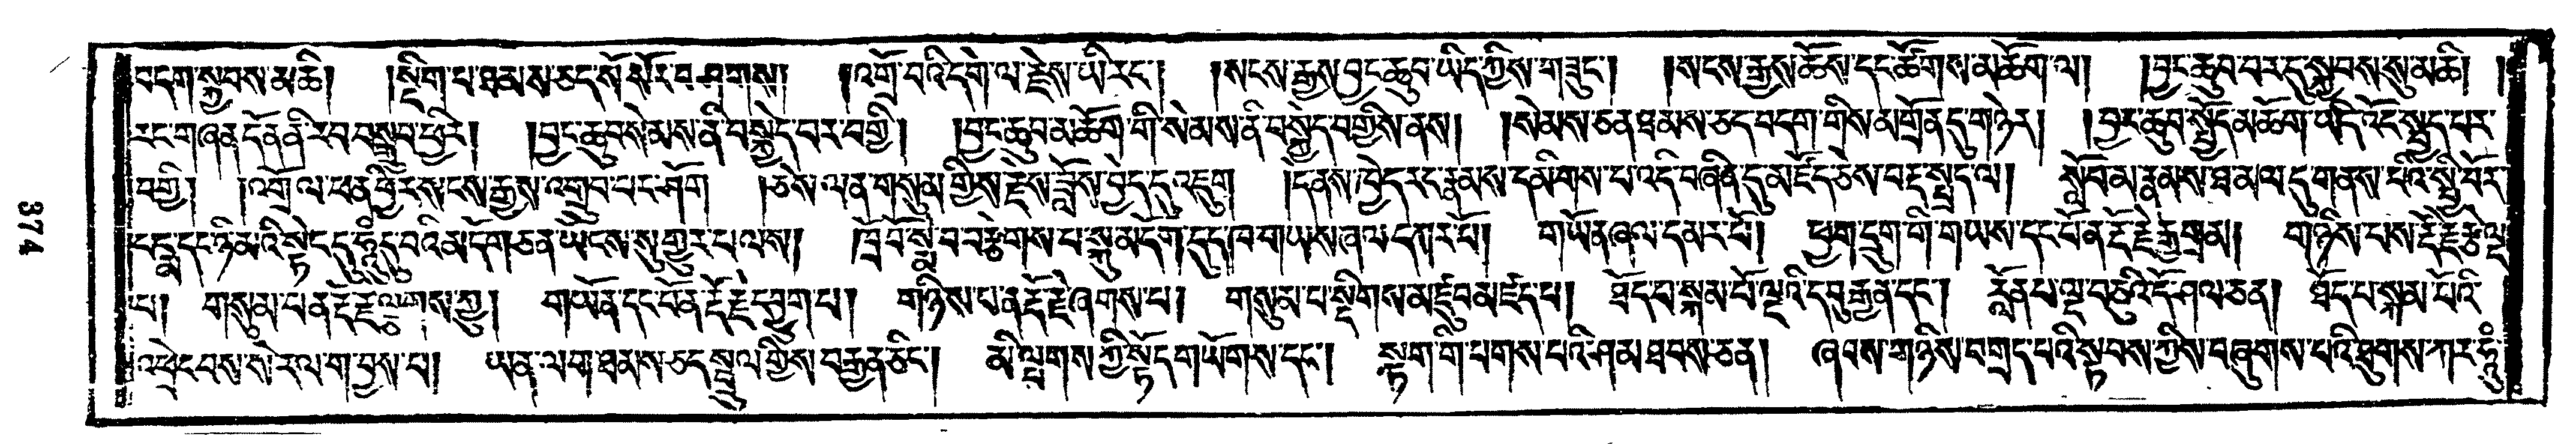བདག་སྐྱབས་མཆི། །སྡིག་པ་ཐམས་ཅད་སོ་སོར་བཤགས། །འགྲོ་བའི་དགེ་ལ་རྗེས་ཡི་རང་། །སངས་རྒྱས་བྱང་ཆུབ་ཡིད་ཀྱིས་གཟུང་། །སངས་རྒྱས་ཆོས་དང་ཚོགས་མཆོག་ལ། །བྱང་ཆུབ་བར་དུ་སྐྱབས་སུ་མཆི། །
རང་གཞན་དོན་ནི་རབ་བསྒྲུབ་ཕྱིར། །བྱང་ཆུབ་སེམས་ནི་བསྐྱེད་པར་བགྱི། །བྱང་ཆུབ་མཆོག་གི་སེམས་ནི་བསྐྱེད་གྱིས་ནས། །སེམས་ཅན་ཐམས་ཅད་བདག་གིས་མགྲོན་དུ་གཉེར། །བྱང་ཆུབ་སྤྱོད་མཆོག་ཡིད་འོང་སྤྱད་པར་
བགྱི། །འགྲོ་ལ་ཕན་ཕྱིར་སངས་རྒྱས་འགྲུབ་པར་ཤོག །ཅེས་ལན་གསུམ་གྱིས་རྗེས་ཟློས་བྱེད་དུ་འཇུག །དེ་ནས་ཁྱེད་རང་རྣམས་དམིགས་བ་འདི་བཞིན་དུ་མཛོད་ཅེས་བརྡ་སྤྲད་ལ། །སློབ་མ་རྣམས་ཐ་མལ་དུ་གནས་པའི་སྤྱི་བོར་
པདམ་དང་ཉི་མའི་སྟེང་དུ་ཧཱུཾ་དུ་བའི་མདོག་ཅན་ཡོངས་སུ་གྱུར་པ་ལས། །ཁྲོ་བོ་སྨེ་བ་བརྩེགས་པ་སྐུ་མདོག་དུད་ཁ་གཡས་ཞལ་དཀར་པོ། གཡོན་ཞལ་དམར་པོ། ཕྱག་དྲུག་གི་གཡས་དང་པོ་ན་རྡོ་རྗེ་རྒྱ་གྲམ། གཉིས་པས་རྡོ་རྗེ་རྩི་ལྔ་
པ། གསུམ་པ་ན་རྡོ་རྗེ་ལྕགས་ཀྱུ། །གཡོན་དང་པ་ན་རྡོ་རྗེ་དབྱུག་པ། །གཉིས་པ་ན་རྡོ་རྗེ་ཞགས་པ། གསུམ་པ་སྡིག་མཛུབ་མཛད་པ། ཐོས་སྐམ་པོ་ལྣའི་དབུ་རྒྱན་དང་། །རློན་པ་ལྔ་བཅུའི་དོ་ཤལ་ཅན། །ཐོད་པ་སྐྱབ་པོའི་
འཕྲེང་བས་སེ་རལ་ག་བྱས་པ། །ཡན་ལག་ཐམས་ཅད་སྦྲུལ་གྱིས་བརྒྱན་ཅིང་། །ཅི་ལྤགས་ཀྱི་སྟོད་གཡོགས་དང་། །སྟག་གི་པགས་པའི་ཤམ་ཐབས་ཅན། །ཞབས་གཉིས་བགྲད་པའི་སྟབས་ཀྱིས་བཞུགས་པའི་ཐུགས་ཀར་ཧཱུཾ་